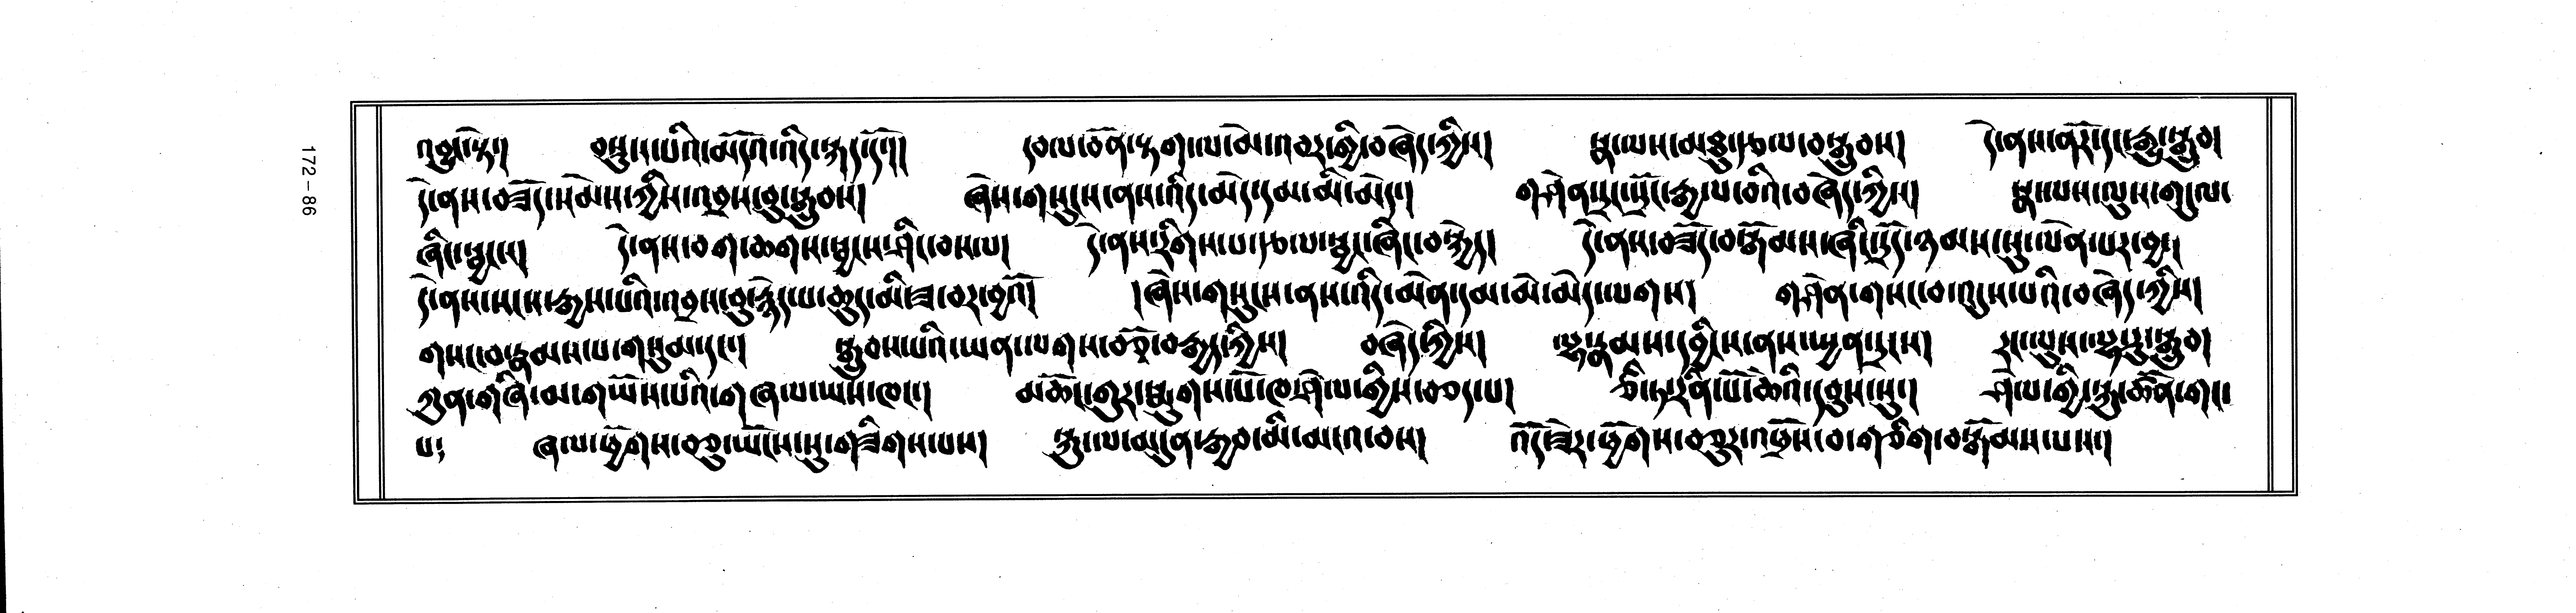བསྡུས་པའི་མདོའ་འདི་སྐད་དོ། དབལ་བོན་སྟག་ལ་མེ་འབར་གྱི་བཞེད་ཀྱིས། སྣ་ལས་མཐུ་རྩལ་སྒྲུབས། དེ་ནས་ནོར་དང་རྒྱུ་སྒྲུབས། 
དེ་ནས་བཟོད་སེམས་ཀྱིས་འབྲས་བུ་སྒྲུབས། ཞེས་གསུངས་ནས་འདི་མེད་དམ་མི་མེད། གཤེན་དྲང་སྲོང་རྒྱལ་བའི་བཞེད་ཀྱིས། སྣ་ལས་ལུས་གདུལ་
ཞིང་སྦྱངས། དེ་ནས་བག་ཆགས་སྦྱངས་ཤིང་བསལ། དེ་ནས་རིགས་པ་རྩལ་སྦྱང་ཞིང་བསྐྱེད། དེ་ནས་བཟོད་བསྒོམ་ཞིང་དྲོད་ཉམས་སུ་ལེན་པར་བྱ། 
དེ་ནས་སངས་རྒྱས་པའི་འབྲས་བུ་རྙེད་པ་ཆུད་མི་ཟ་བར་བྱའོ། ཞེས་གསུངས་ནས་འདི་མེན་དམ་མེ་མེད་ལགས། གཤེན་གསང་བ་འདུས་པའི་བཞེད་ཀྱིས། 
གསང་བ་རྣམས་པ་གསུམ་དང་། སྒྲུབས་པའི་ཡན་ལག་བཅྭོ་བརྒྱད་ཀྱིས། བཞེད་ཀྱི་ལྷ་རྣམས་དབྱིངས་ནས་སྤྱན་དྲངས། རང་ལུས་ལྷ་རུ་སྒྲུབས། 
ཀུན་གཞི་མ་གཡོས་པའི་གཞལ་ཡས་ཁང་། མཆོག་གྱུར་སྨུགས་པོ་ཁ་ཤེལ་གྱིས་བཅད་པ། ཙི་ཏ་རིན་པོ་ཆེའི་དབུས་སུ། ཤེལ་གྱི་སྐུ་ཚོན་གང་
པ། ཞལ་ཕྱོགས་བཅུ་ཡོངས་སུ་གཟིགས་པས། སྐུ་ལ་མདུན་རྒྱབ་མི་མངའ་བས། འོད་ཟེར་ཕྱོགས་བཅུར་འཕྲོས་བ་གཅིག་བསྒོམས་པས།